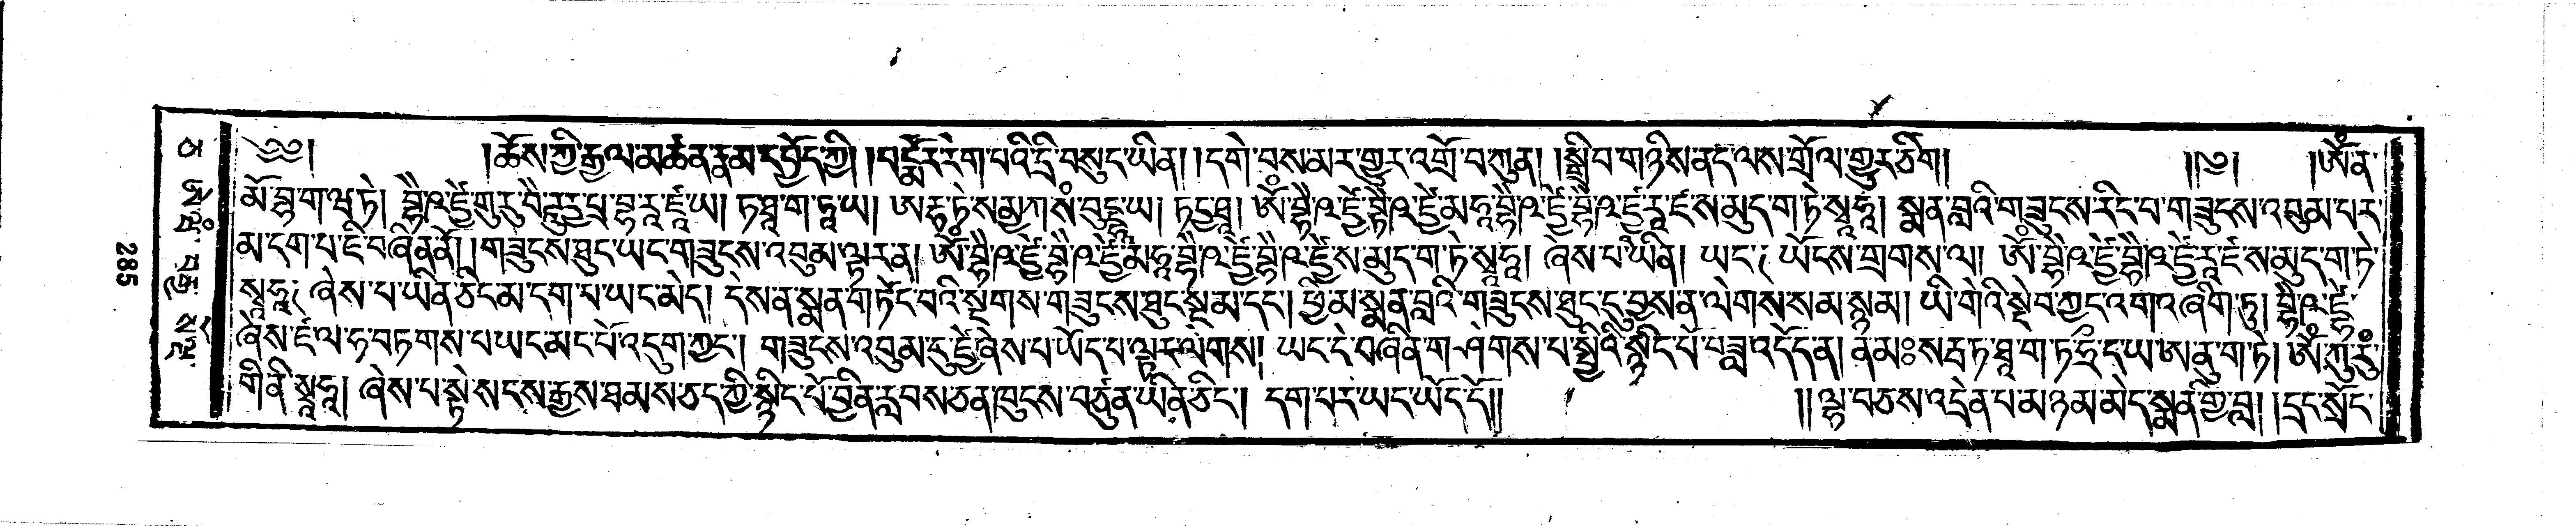༄༅། །ཆོས་ཀྱི་རྒྱལ་མཚན་རྣམ་དཔྱོད་ཀྱི། །པདམོར་རེག་པའི་དྲི་བསུང་ཡིན། །དགེ་བས་མར་གྱུར་འགྲོ་བ་ཀུན། །སྒྲིབ་གཉིས་ནད་ལས་གྲོལ་གྱུར་ཅིག ། །། ༄༅། །ཨོཾ་ན་
མོ་བྷ་ག་ཝ་ཏེ། བྷཻ་ཥ་ཛྱེ་གུ་རུ་བཻ་ཌཱུརྱ་པྲ་བྷ་རཱ་ཛཱ་ཡ། ཏ་ཐཱ་ག་ཏཱ་ཡ། ཨརྷ་ཏེ་སམྱཀ་སཾ་བུདྡྷ་ཡ། ཏདྱ་ཐཱ། ཨོཾ་བྷཻ་ཥ་ཛྱེ་བྷཻ་ཥ་ཛྱེ་མཧཱ་བྷཻ་ཥ་ཛྱེ་བྷཻ་ཥ་ཛྱ་རཱ་ཇ་ས་མུད་ག་ཏེ་སྭཱཧཱ། སྨན་བླའི་གཟུངས་རིང་བ་གཟུངས་འབུམ་པར་
མ་དག་པ་ཇི་བཞིན་ནོ། །གཟུངས་ཐུང་ཡང་གཟུངས་འབུམ་ལྟར་ན། ཨོཾ་བྷཻ་ཥ་ཛྱེ་བྷཻ་ཥ་ཛྱེ་མཧཱ་བྷཻ་ཥ་ཛྱེ་བྷཻ་ཥ་ཛྱེ་ས་མུད་ག་ཏེ་སྭཱཧཱ། ཞེས་པ་ཡིན། ཡང༑ ཡོངས་གྲགས་ལ། ཨོཾ་བྷཻ་ཥ་ཛྱེ་བྷཻ་ཥ་ཛྱེ་རཱ་ཛ་ས་མུད་ག་ཏེ་
སྭཱཧཱ༑ ཞེས་པ་ཡིན་ཅིང་མ་དག་པ་ཡང་མེད། དེས་ན་སྨན་གཏོང་བའི་སྔགས་གཟུངས་ཐུང་སྔ་མ་དང་། ཕྱི་མ་སྨན་བླའི་གཟུངས་ཐུང་དུ་བྱས་ན་ལེགས་སམ་སྙམ། ཡི་གེའི་སྡེབ་ཀྱང་འགའ་ཞིག་ཏུ། བྷཻ་ཥ་ཛྷེ་
ཞེས་ཛ་ལ་ཧ་བཏགས་པ་ཡང་མང་པོ་འདུག་ཀྱང་། གཟུངས་འབུམ་དུ་ཛྱེ་ཞེས་པ་ཡོད་པ་ལྟར་ལེགས། ཡང་དེ་བཞིན་གཤེགས་པ་སྤྱིའི་སྙིང་པོ་བཟླ་འདོད་ན། ན་མཿ སརྦ་ཏ་ཐཱ་ག་ཏ་ཧྲྀ་ད་ཡ་ཨ་ནུ་ག་ཏེ། ཨོཾ་ཀུ་རུཾ་
གི་ནི་སྭཱཧཱ། ཞེས་པ་སྟེ་སངས་རྒྱས་ཐམས་ཅད་ཀྱི་སྙིང་པོ་བྱིན་རླབས་ཅན་ཁུངས་བཙུན་ཡིན་ཅིང་། དག་པར་ཡང་ཡོད་དོ།། །།ལྷ་བཅས་འདྲེན་པ་མཉམ་མེད་སྨན་གྱི་བླ། །དྲང་སྲོང་